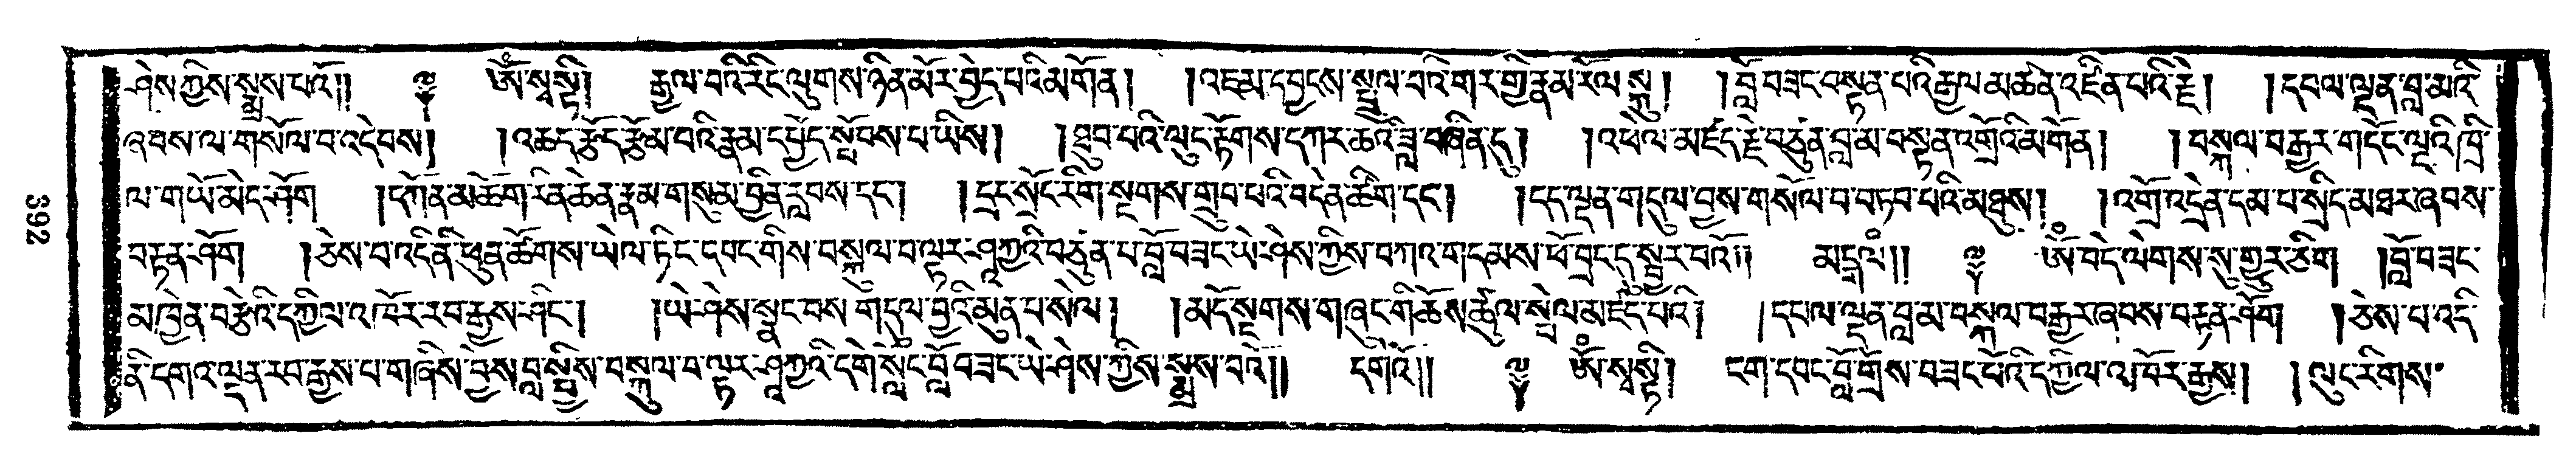ཤེས་ཀྱིས་སྨྲས་པའོ།། ༈ ཨོཾ་སྭསྟི། རྒྱལ་བའི་རིང་ལུགས་ཉིན་མོར་བྱེད་པའི་མགོན། །འཇམ་དབྱངས་སྤྲུལ་བའི་གར་གྱི་རྣམ་རོལ་སྐུ། །བློ་བཟང་བསྟན་པའི་རྒྱལ་མཚན་འཛིན་པའི་རྗེ། །དཔལ་ལྡན་བླ་མའི་
ཞབས་ལ་གསོལ་བ་འདེབས། །འཆད་རྩོད་རྩོམ་པའི་རྣམ་དཔྱོད་སྤོབས་པ་ཡིས། །ཐུབ་པའི་ལུང་རྟོགས་དཀར་ཆའི་ཟླ་བཞིན་དུ། །འཕེལ་མཛད་རྗེ་བཙུན་བླ་མ་བསྟན་འགྲོའི་མགོན། །བསྐལ་བརྒྱར་གདོང་ལྔའི་ཁྲི་
ལ་གཡོ་མེད་ཤོག །དཀོན་མཆོག་རིན་ཆེན་རྣམ་གསུམ་བྱིན་རླབས་དང་། །དྲང་སྲོང་རིག་སྔགས་གྲུབ་པའི་བདེན་ཚིག་དང་། །དད་ལྡན་གདུལ་བྱས་གསོལ་བ་བཏབ་པའི་མཐུས། །འགྲོ་འདྲེན་དམ་པ་སྲིད་མཐར་ཞབས་
བརྟན་ཤོག །ཅེས་པ་འདི་ནི་ཕུན་ཚོགས་ཡེལ་ཏིང་དབང་གིས་བསྐུལ་བ་ལྟར་ཤཱཀྱའི་བཙུན་པ་བློ་བཟང་ཡེ་ཤེས་ཀྱིས་བཀའ་གདམས་ཕོ་བྲང་དུ་སྦྱར་བའོ།། མངྒ་ལཾ།། ༈ ཨོཾ་བདེ་ལེགས་སུ་གྱུར་ཅིག །བློ་བཟང་
མཁྱེན་བརྩེའི་དཀྱིལ་འཁོར་རབ་རྒྱས་ཤིང་། །ཡེ་ཤེས་སྣང་བས་གདུལ་བྱའི་མུན་པ་སེལ། །མདོ་སྔགས་གཞུང་གི་ཆོས་ཚུལ་སྤེལ་མཛད་པའི། །དཔལ་ལྡན་བླ་མ་བསྐལ་བརྒྱར་ཞབས་བརྟན་ཤོག །ཅེས་པ་འདི་
ནི་དགའ་ལྡན་རབ་རྒྱས་པ་གཞིས་བྱེས་བླ་སྤྱིས་བསྐུལ་བ་ལྟར་ཤཱཀྱའི་དགེ་སློང་བློ་བཟང་ཡེ་ཤེས་ཀྱིས་སྨྲས་པའོ།། དགེའོ།། ༈ ཨོཾ་སྭསྟི། ངག་དབང་བློ་གྲོས་བཟང་པོའི་དཀྱིལ་འཁོར་རྒྱས། །ལུང་རིགས་